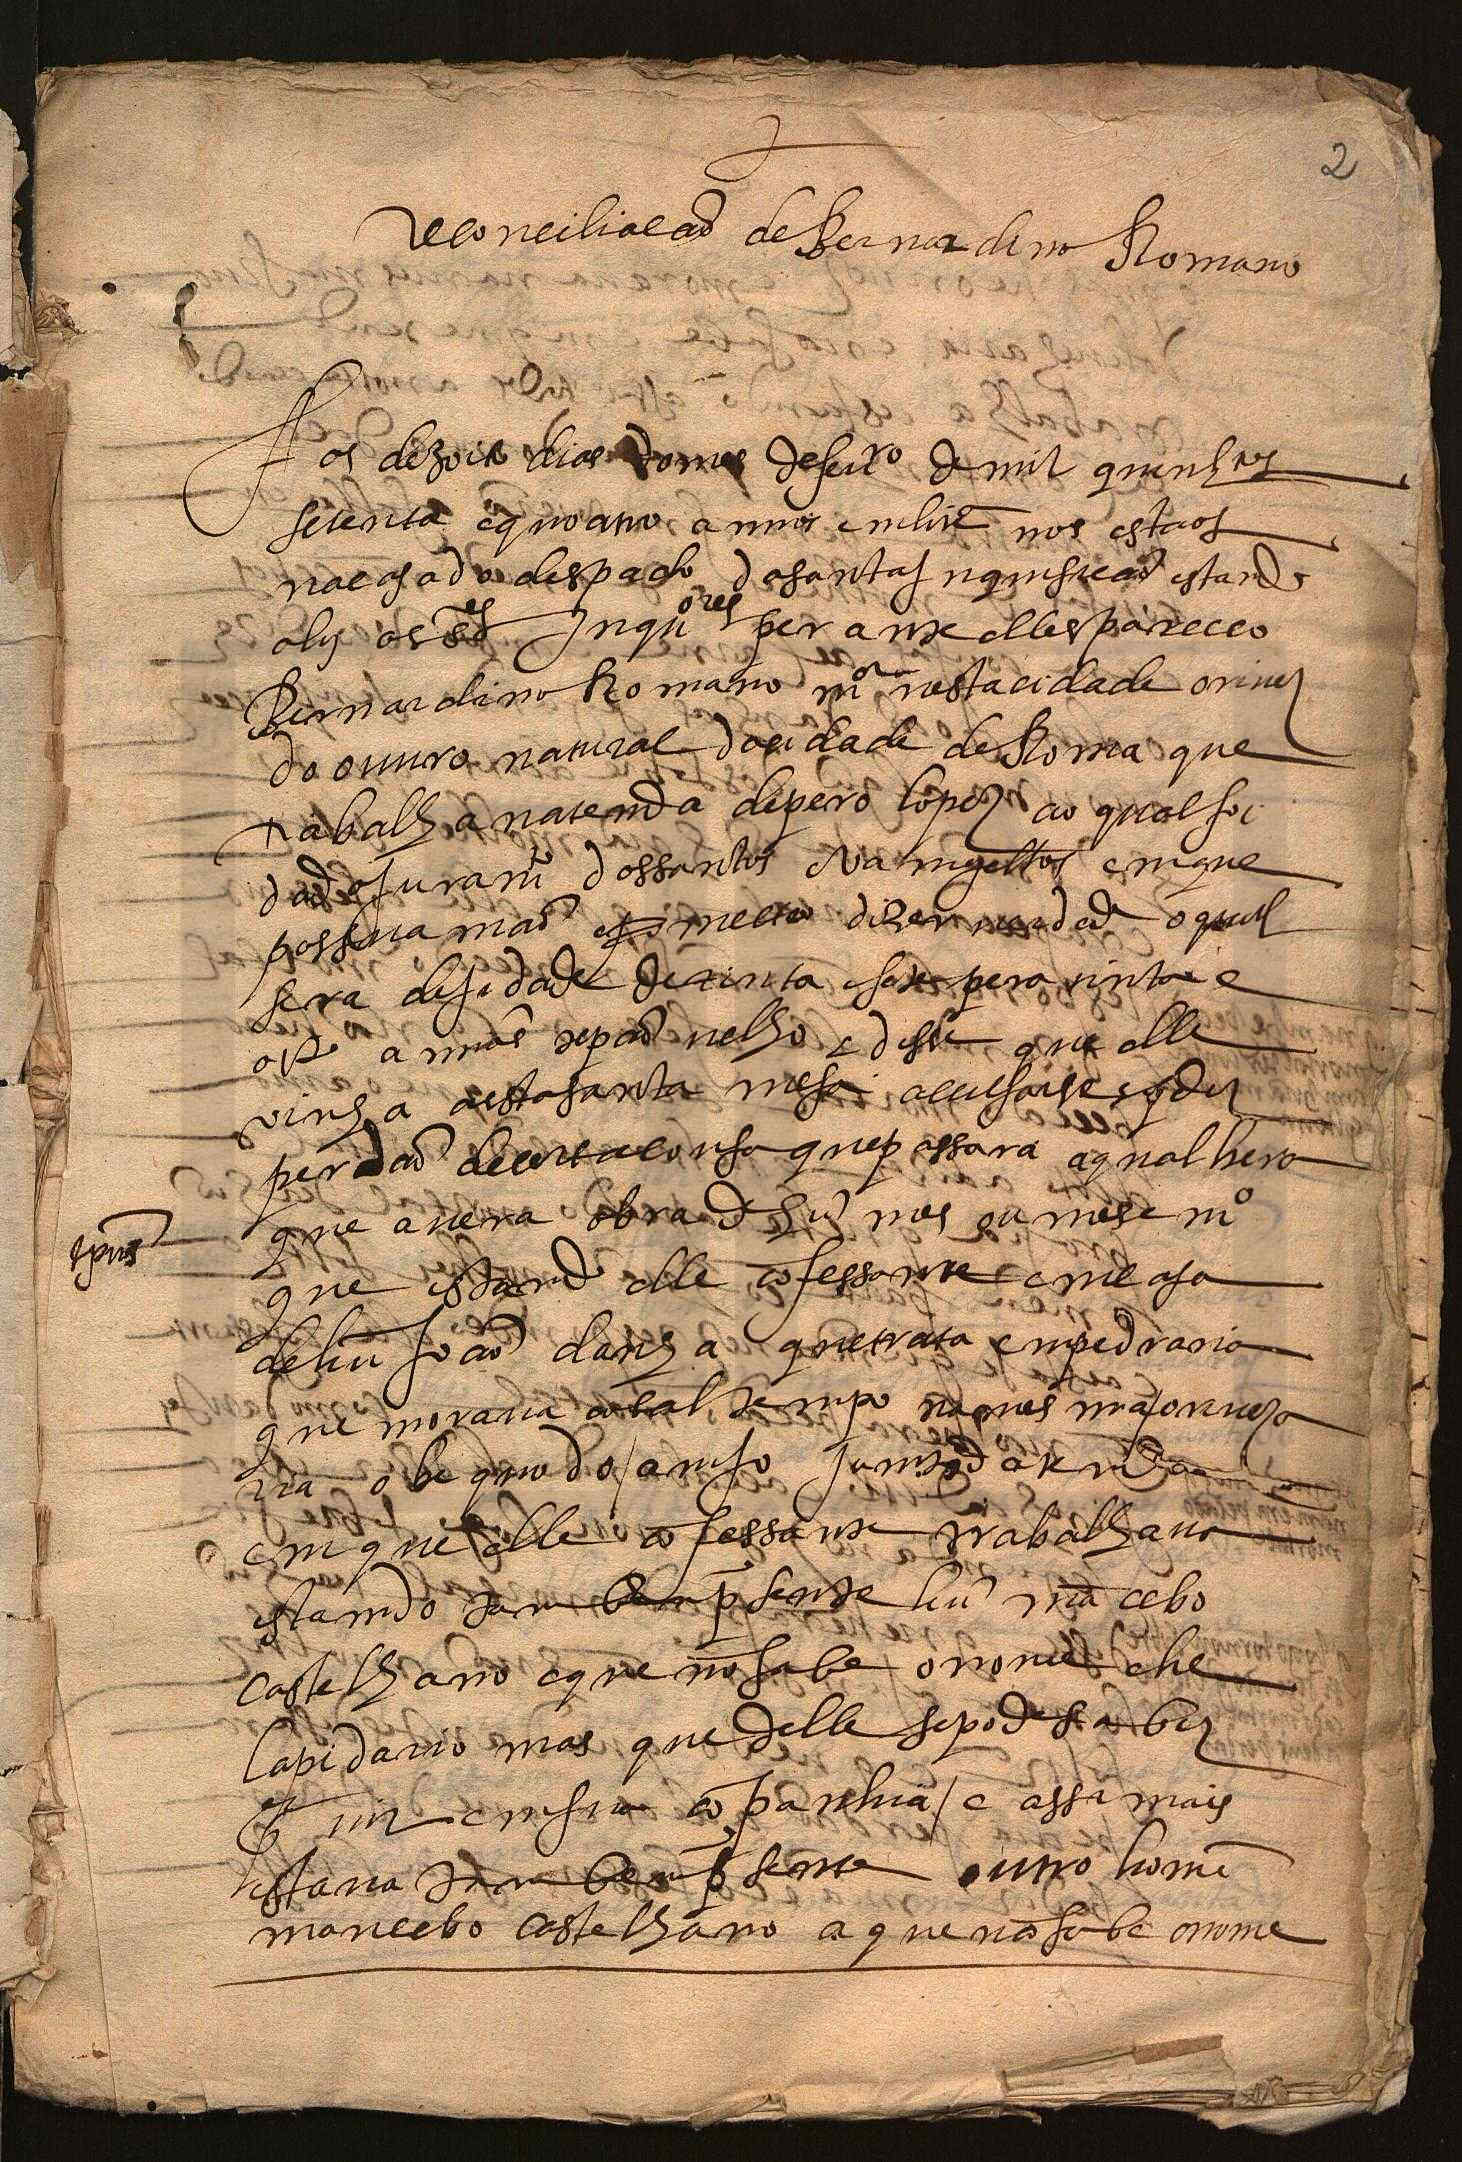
reconciliaçaõ de Bernardino Romano
Aos dezoito dias do mes de feuro de mil quinhtos
setenta e quoatro annos em lixa nos estaos
na casa do despacho da santa Jnquisiçaõ estando
ahj os sres Jnquores perante elles pareceo
Bernardino Romano mor nesta cidade oriues
do ouuro natural da cidade de Roma que
trabalha na temda de pero lopez ao qual foi
dado Juramto dos santos evamgelhos em que
pos sua maõ e ꝓomeetteo dizer uerdade o quaL
sera de Jdade de tinta e sete pera tinta e
ojto annōs xpaõ uelho E disse que elle
vinha a esta santa mesa accusarse E pedir
perdaõ de certa cousa que passara a qual hera
que auera obra de hū mes ou mes e mo
tpūs
que estando elle cōfessante em casa
de hū Joaõ danha que trata em pedraria
que moraua ao tal tempo na mesma / oriueza
ria o bequo do / amJo Jumto a temda
em que elle cōfessante trabalhaua
estando tambem p̄sente hū mācebo
castelhano e que nō sabe o nome e he
lapidario mas que delle se pode saber
por uir em sua cōpanhia / e assi mais
estaua tambem p̄sente outro homē
mancebo castelhano a que naõ sabe o nome
